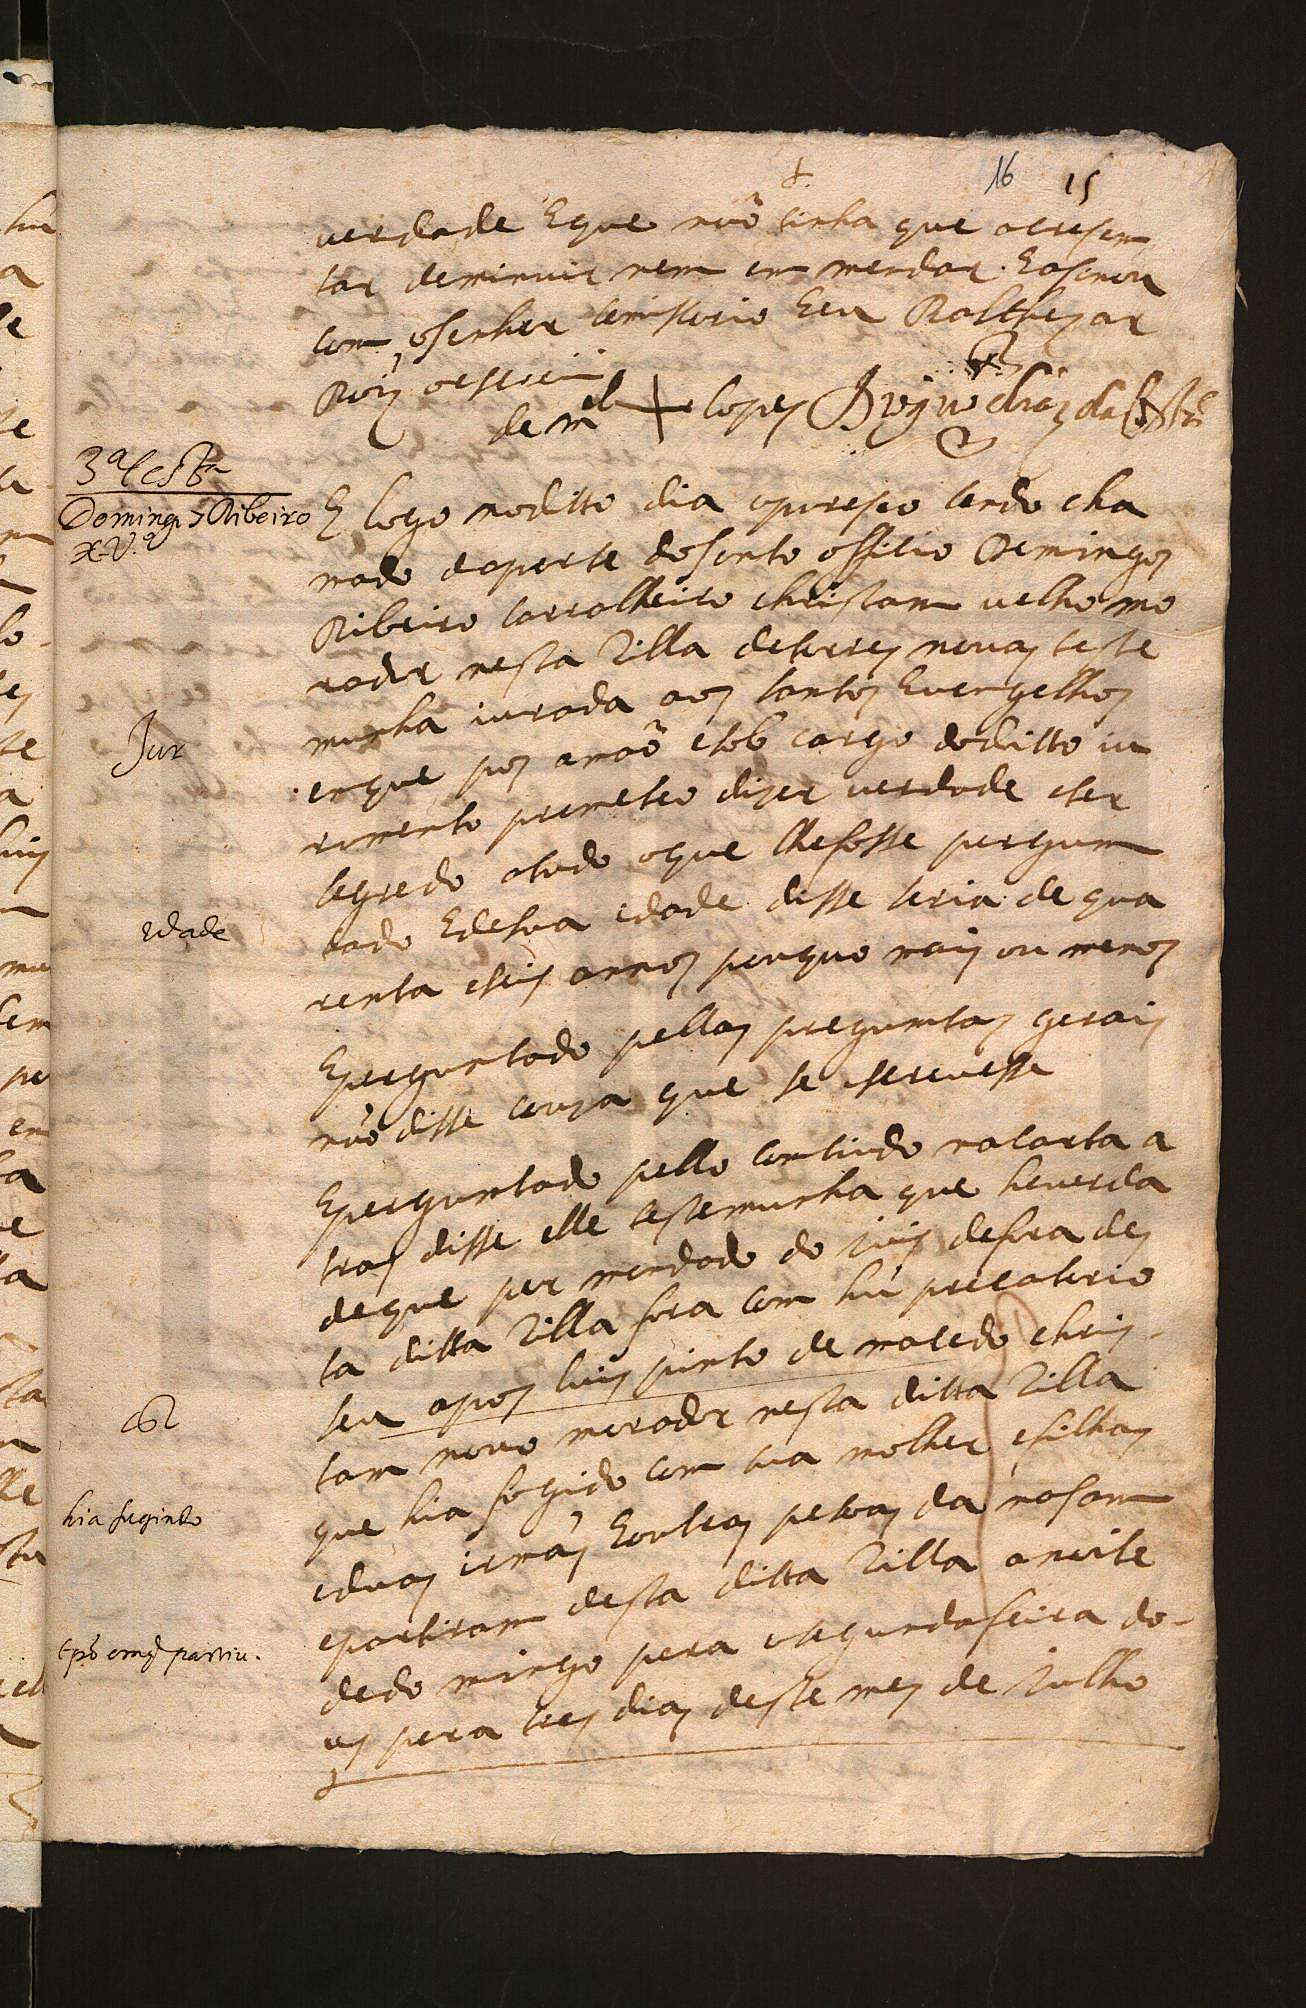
3a testa
Domingos Ribeiro
X - V.o
Jur
idade
R
hia fugindo
tpō em q̄ partiu.
uerdade E que naõ tinha que acresem
tar deminuir nem emmendar. E asinou
com o senhor comissario E eu Balthezar
Roīz o escre
de mel + lopes Dioguo diaz da Costa
E logo no ditto dia apareseo sendo cha
mado da parte do santo officio Domingos
Ribeiro carralheiro christam uelho mo
rador nesta villa de torres nouas teste
munha iurada aos santos Euangelhos
em que pos a maõ e sob cargo do ditto iu
ramento prometeo dizer uerdade e ter
segredo a todo o que lhe fosse pergum
tado E de sua idade disse seria de qua
renta e seis annos pouquo mais ou menos
E preguntado pellas preguntas gerais
naõ disse couza que se escreuesse
E perguntado pello contiudo na carta a
tras disse elle testemunha que he uerda
de que por mandado do iuis de fora des
ta ditta villa fora com hū precatorio
seu apos luis pinto de macedo chris
tam nouo morador nesta ditta villa
que hia fugido com sua molher e filhas
e duas irmãs E outras pesoas da nasam
e partiram desta ditta villa a noite
de domingo pera a segunda feira do
us pera tres dias deste mes de Iulho
